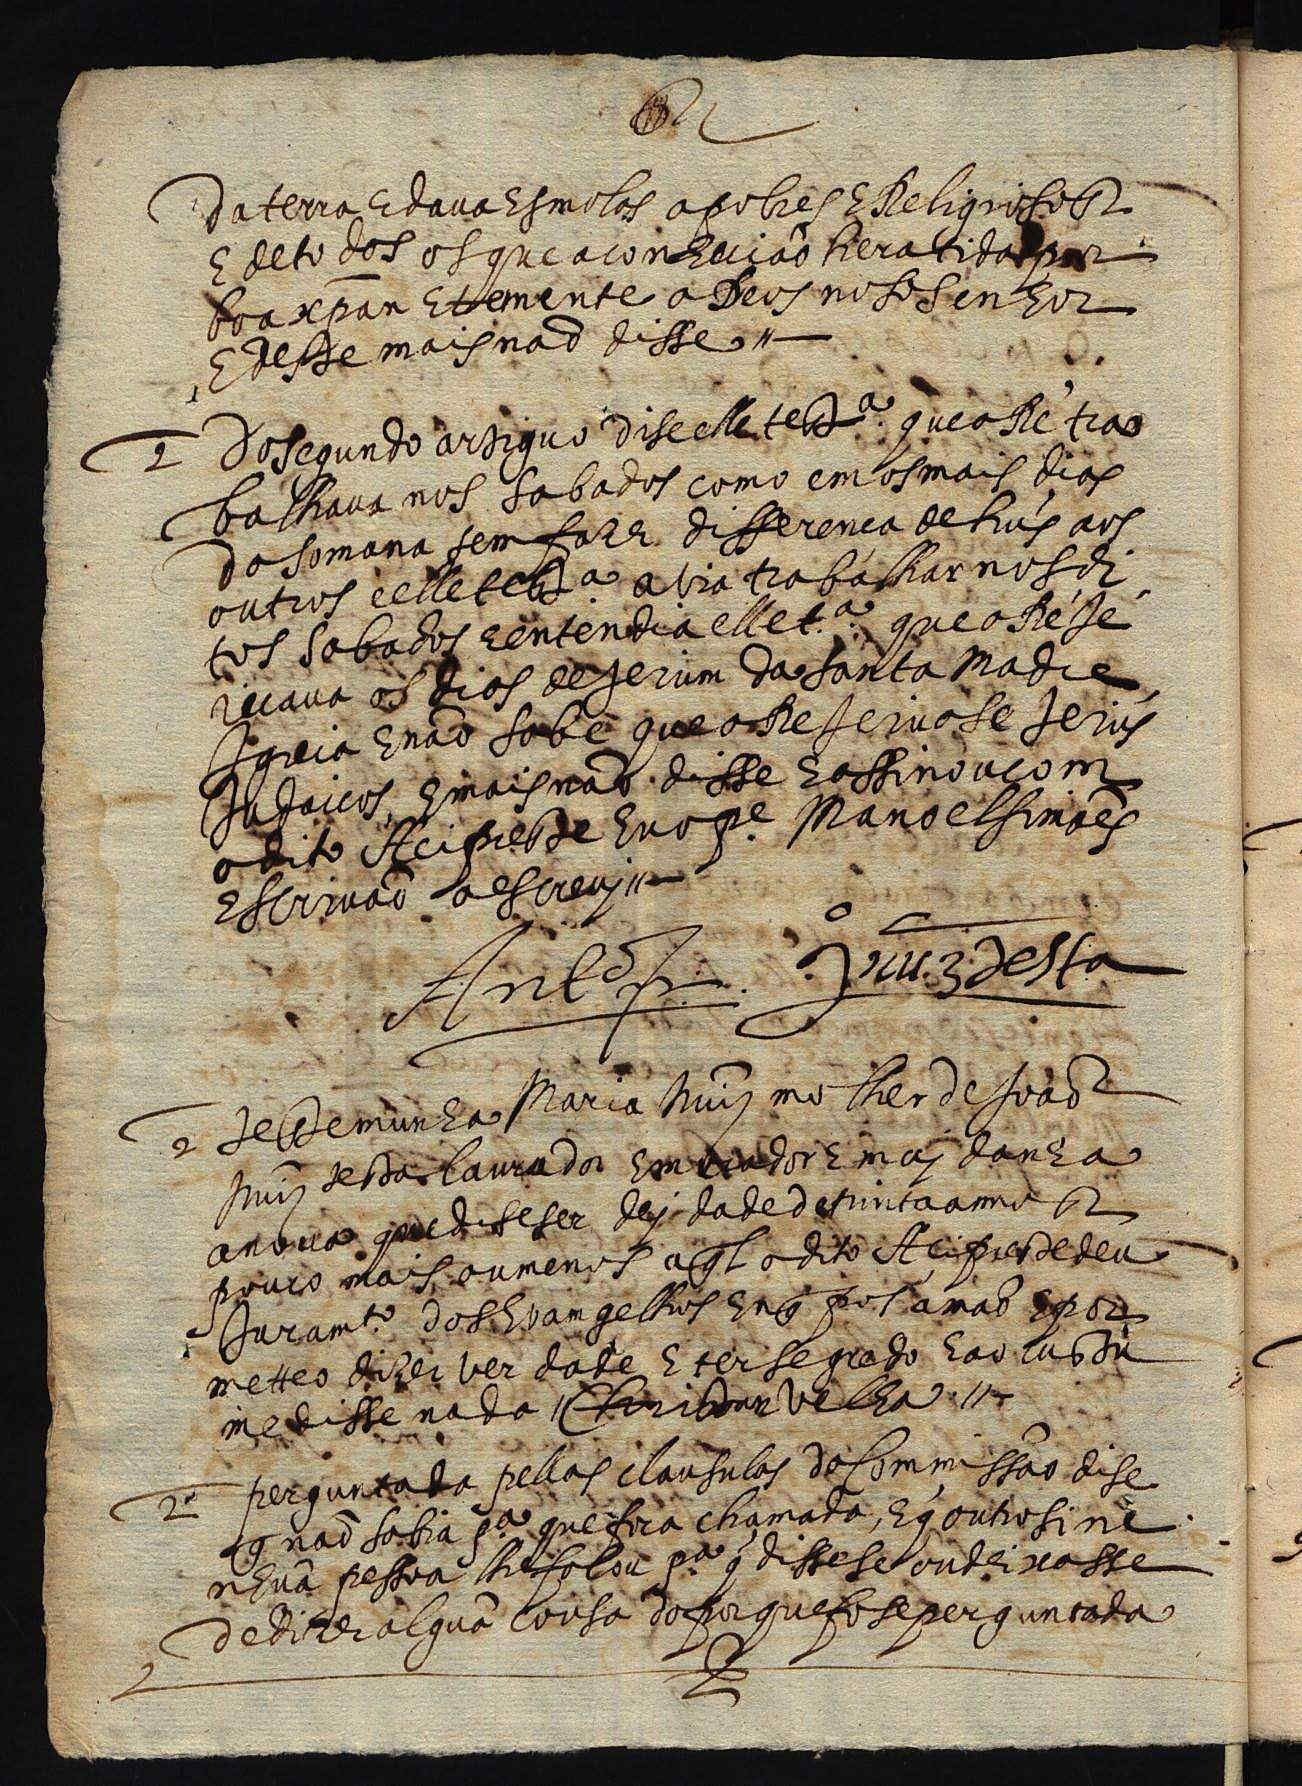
da terra E daua Esmolas a pobres E Religiosos
E de todos os que a conhecião hera tida por
boa xp̄an E temente a Deos noso senhor
E deste mais naõ disse // -
item Do segundo artiguo dise elle testa. que a Ré tra
balhaua nos sabados como em os mais dias
da somana sem fazer differença de hūs aos
outros e elle testa. a via trabalhar nos di
tos sabados E entendia elle t.a que a Ré Je
iuaua os dias de jeium da santa madre
Jgreia E não sabe que a Re Jeiuase Jeiūs
Judaicos, E mais não disse E assinou com
o dito Acipreste Eu o p.e Manoel simoẽs
Escriuaõ a escreuj // -
item testemunha Maria Nuīz molher de Joaõ
Nuīz testa laurador E morador Em a Idanha
a noua que dise ser de jdade de trinta annos
pouco mais ou menos a q̄L o dito Açipreste deu
Juramto. dos Evamgelhos En q̄ pos a maõ E por
metteo dizer verdade E ter segredo E ao custu
me disse nada / Christan Velha. // -
item perguntada pellas clausulas da Commissão dise
q̄ naõ sabia p.a que fora chamada, E q̄ outrosi ne
nhuā pessoa lhe falou p.a q̄ dissese ou deixasse
de dizer alguā cousa do porque fose perguntada
